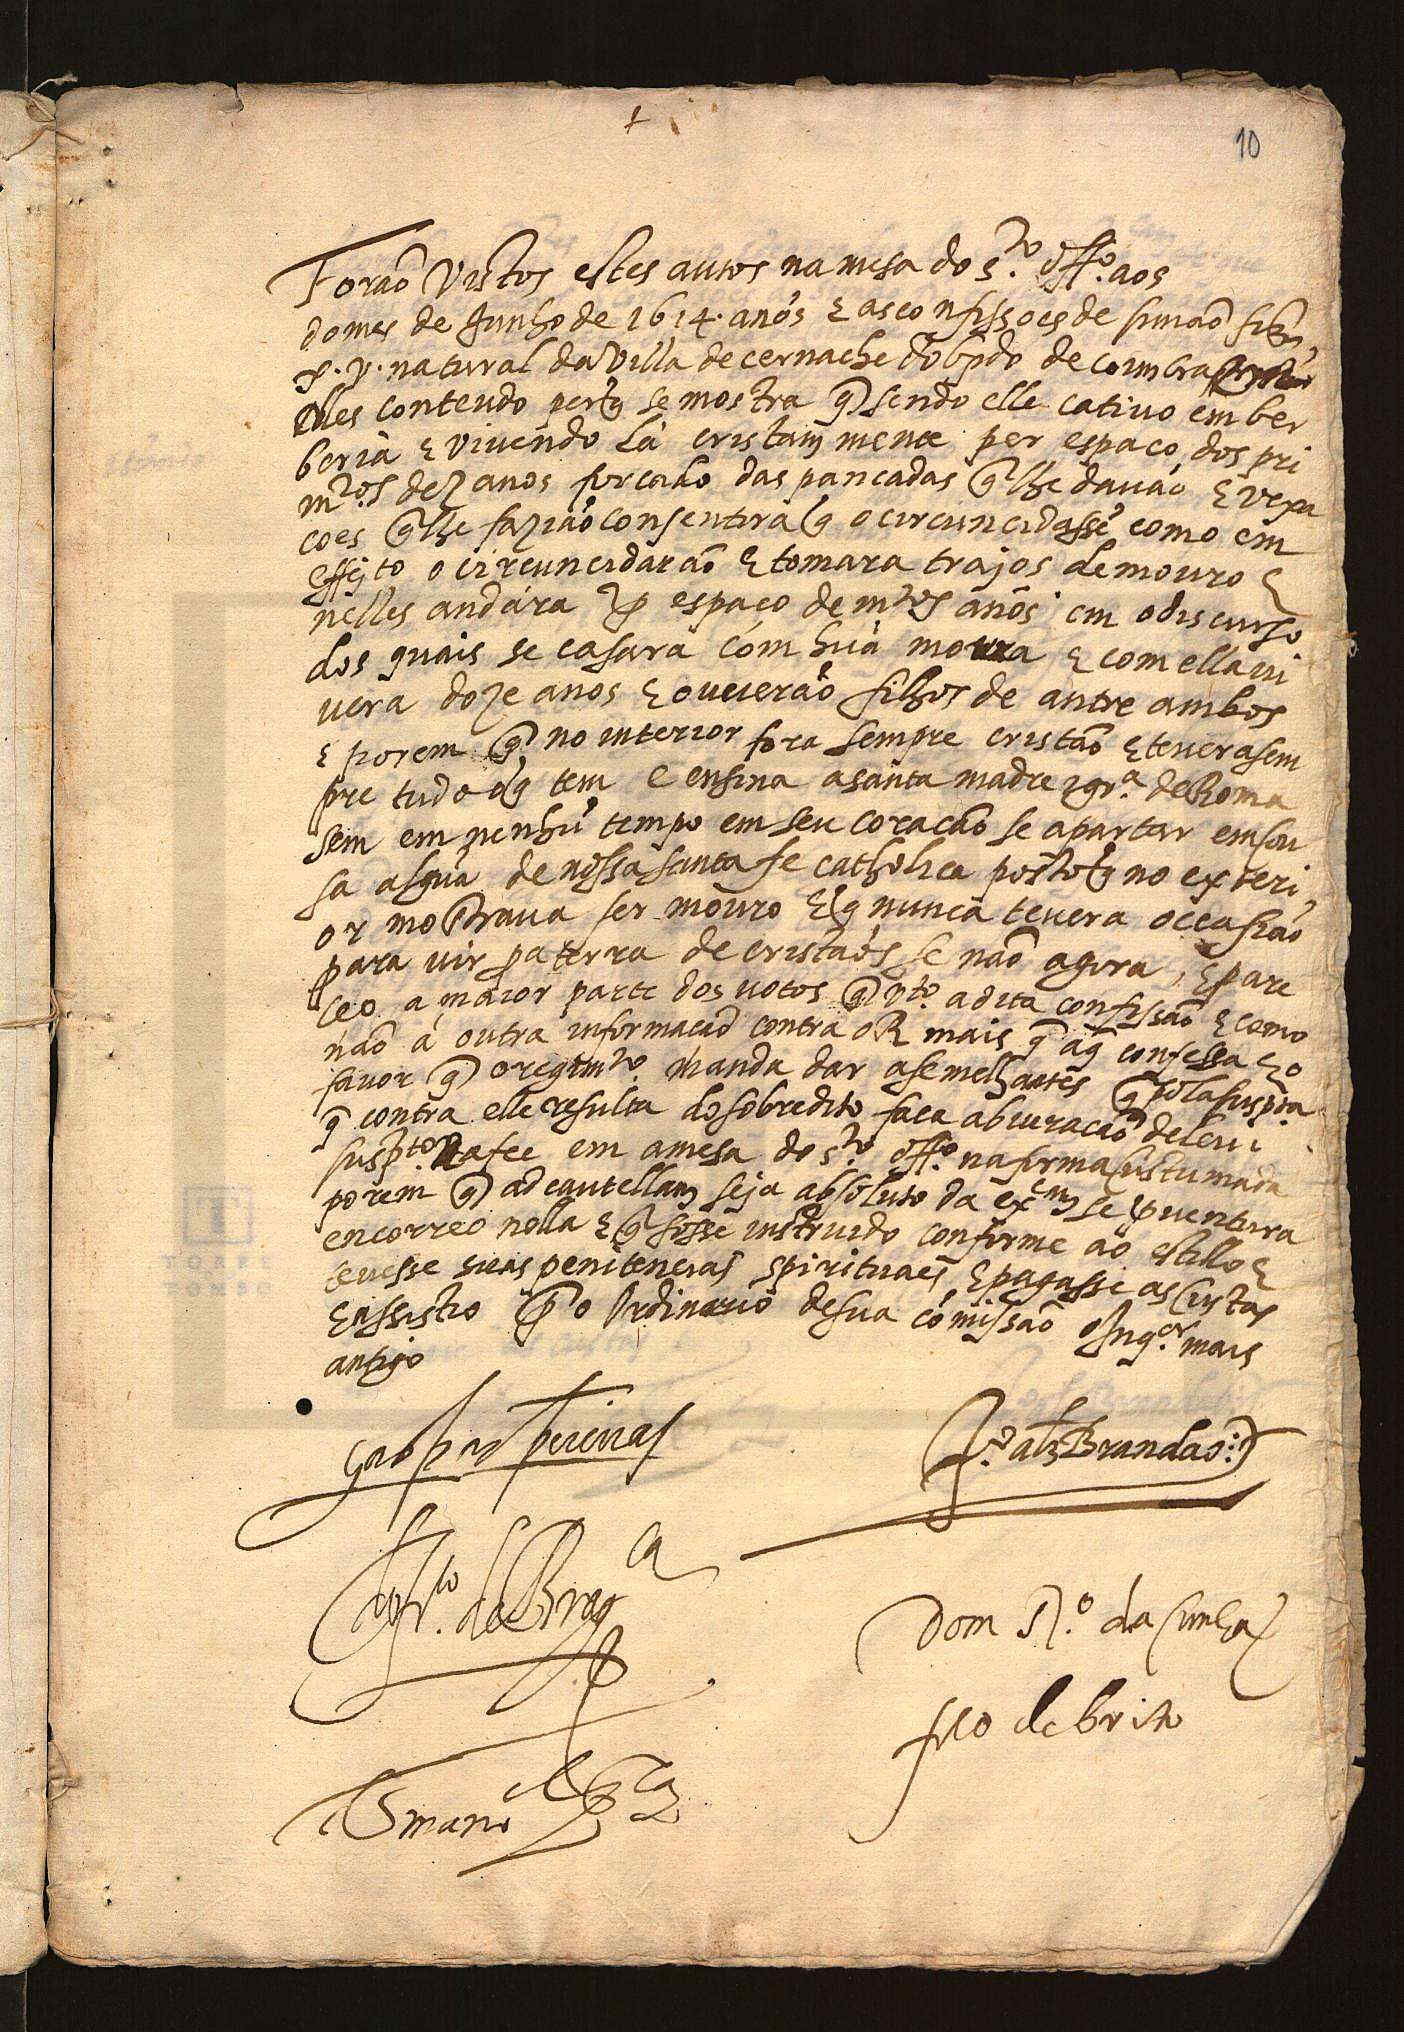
Foraõ Vistos estes autos na mesa do s.to offo aos
do mes de Junho de 1614. anos̄ E as confissoes de simaõ frz̄
x. v. natural da villa de cernache do bpdo de coimbra Cristão
Nles conteudo porq̄ se mostra q̄ sendo elle catiuo em ber
beria, E viuendo lá cristammente per espaço dos pri
m.ros dez anos forçado das pancadas q̄ lhe dauaõ E vexa
çoes q̄ lhe faziaõ consentira q̄ o circuncidassē como em
effeito o circuncidaraõ E tomara trajos de mouro E
nelles andara p̄ espaço de mtos anōs em o discurso
dos quais se casara com huā moura, E com ella ui
uera doze anos, E ouuerão filhos de antre ambos
E porem q̄ no interior fora sempre cristaõ E teuera sem
pre tudo o q̄ tem e ensina a santa madre igr.a de Roma
sem em nenhū tempo em seu coraçaõ se apartar em Cou
sa alguā de nossa santa fe catholica posto q̄ no exteri
or mostraua ser mouro E q̄ nunca teuera occasiaõ
para uir ꝑa terra de cristaõs senaõ agora, E pare
ceo a maior parte dos uotos q̄ v.to a dita confissão E como
não á outra informaçaõ contra o R mais q̄ a q̄ confessa E o
fauor q̄ o regimto manda dar a semelhantes q̄ pola susp.ta
q̄ contra elle resulta do sobredito faça abiuração de leui
susp.to na fee em a mesa do s.to off.o na forma Custumada
porem q̄ ad cautellam seja absoluto da excam se p̄uentura
encorreo nella E q̄ fosse instruido conforme ao estillo E
teuesse suas penitencias spirituaes, E pagasse as Custas
E assistio p̄ o Ordinario de sua cōmissaõ o Jnq.or mais
antigo
Gaspar pereira
J.o al̄z Brandaõ
dō fr.co de Bragça
Dom R.o da Cunha
frco de brito
dō manoel pra.
